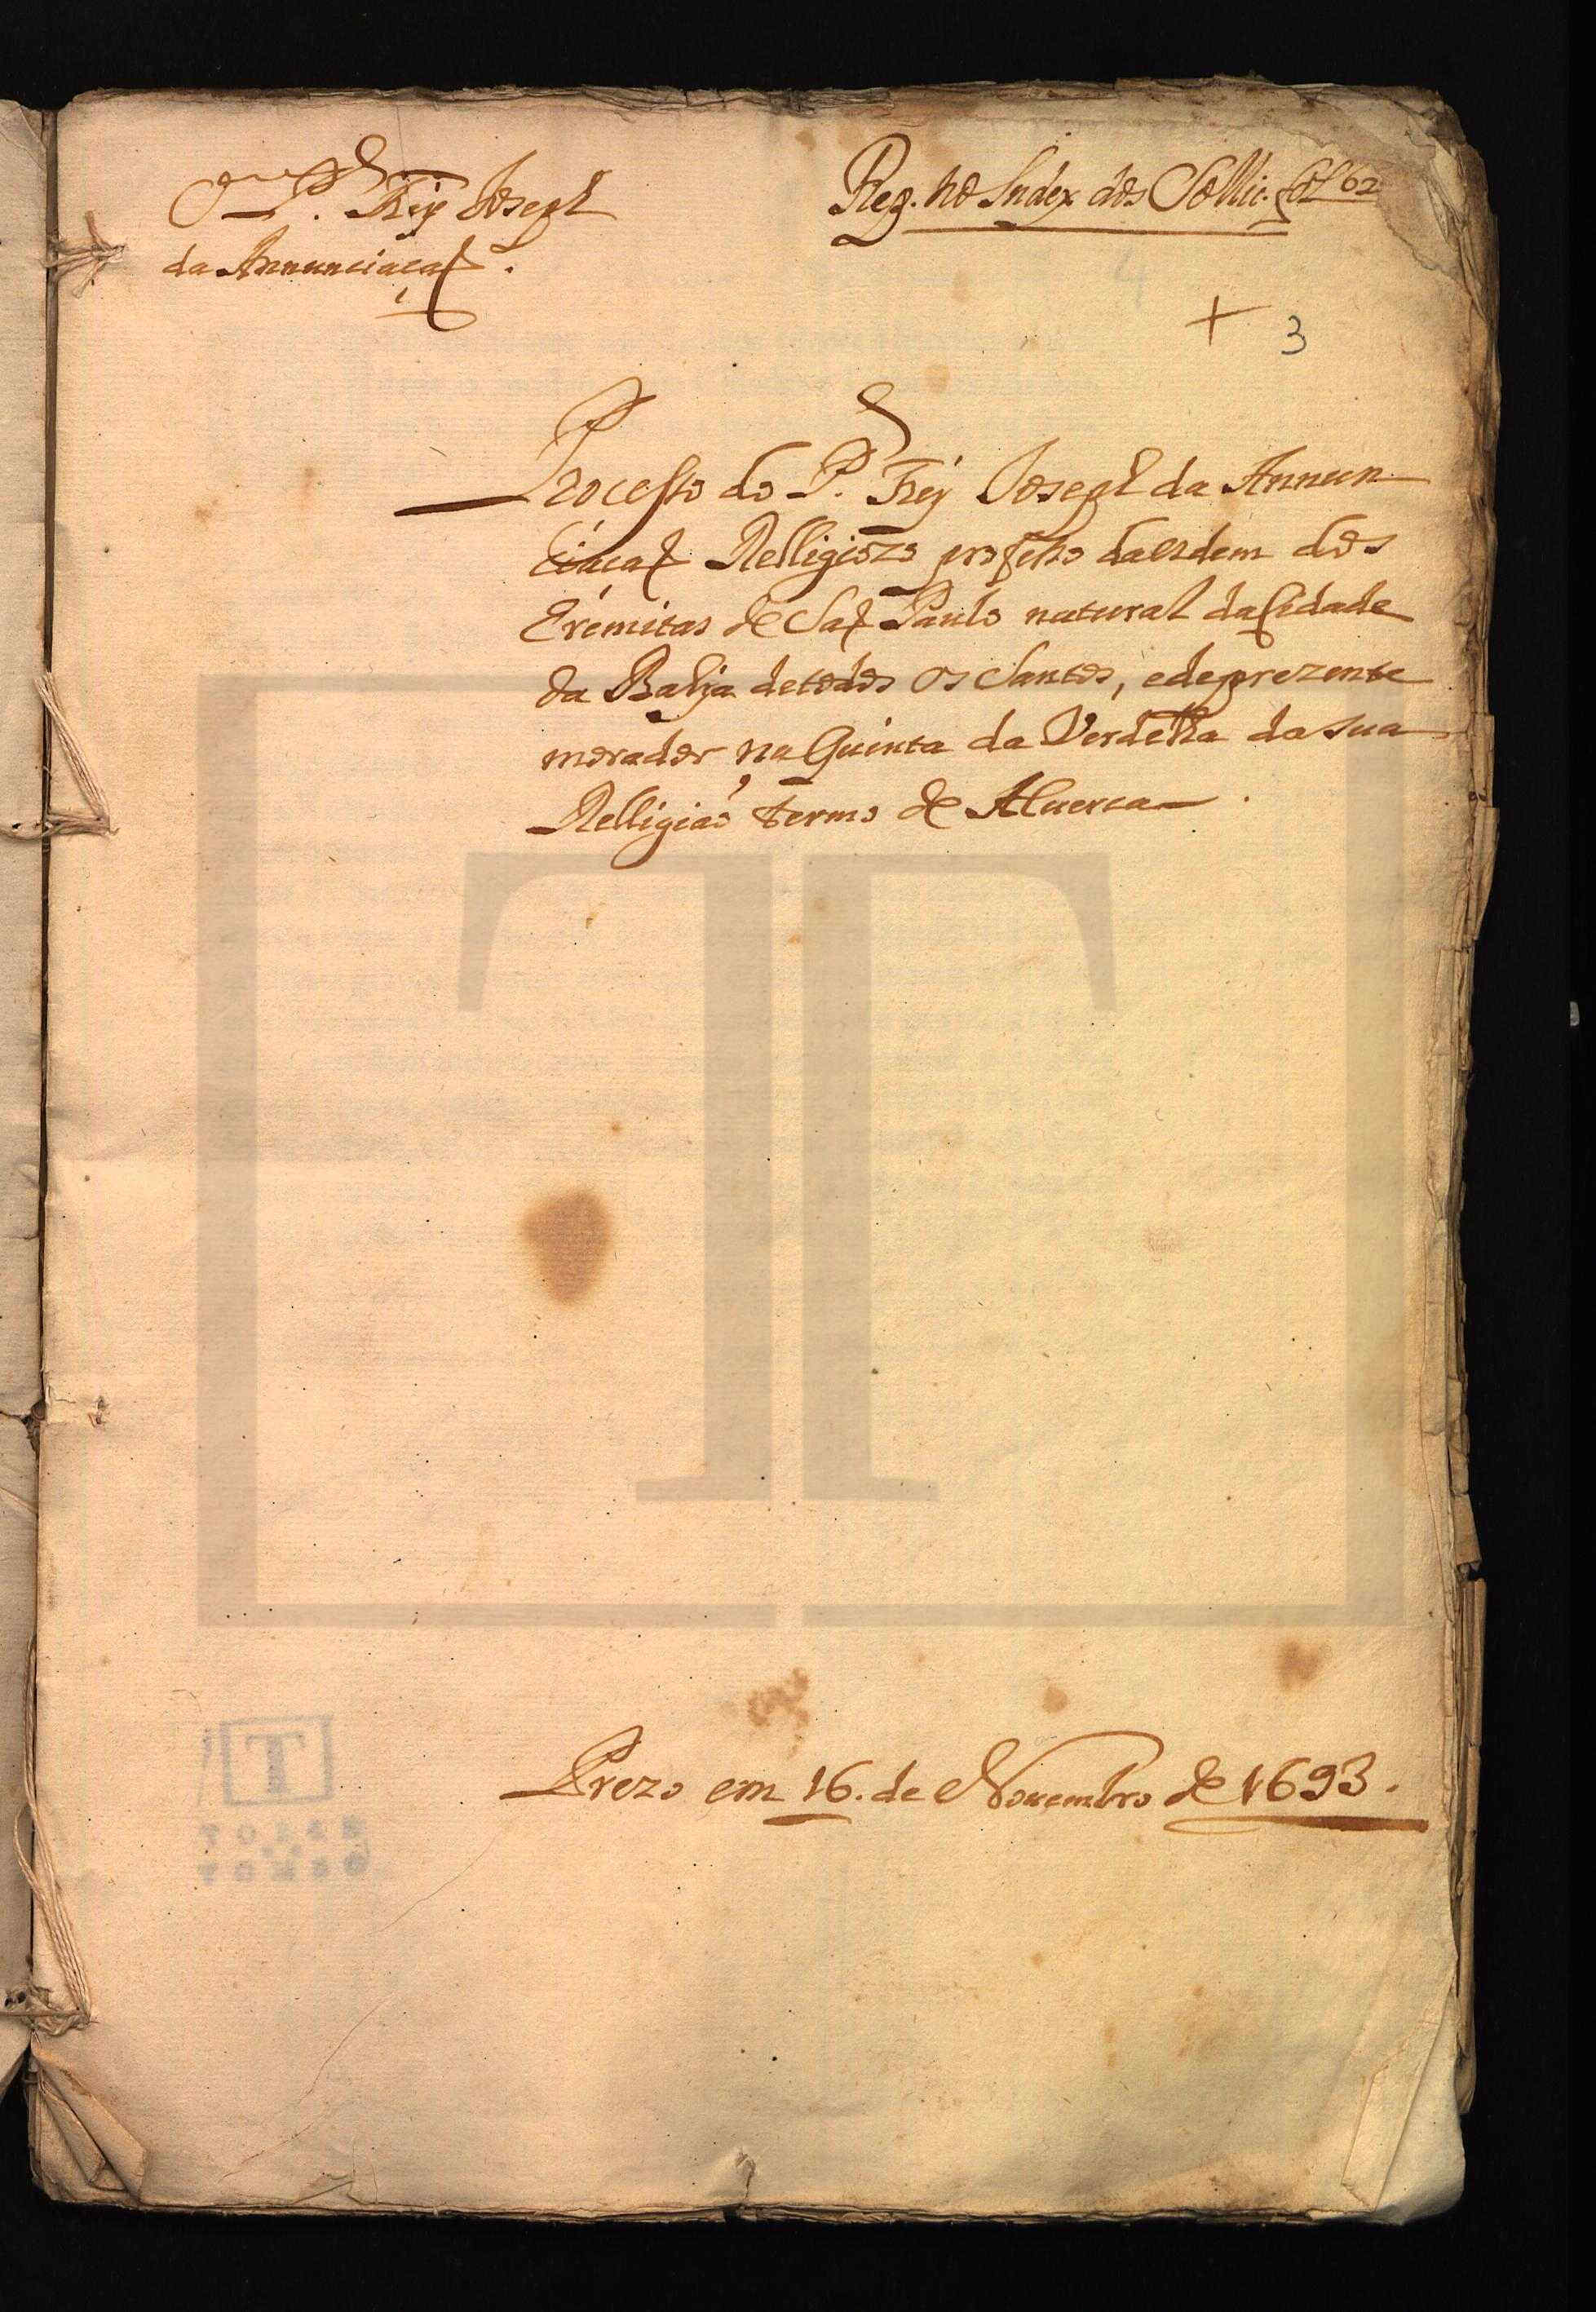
Rep. no Index dos Sollic. fol 62
O P.e Frey Ioseph
da Annunciaçaõ
Processo do P.e Frey Ioseph da Annun
ciaçaõ Relligiozo professo da ordem dos
Eremitas de Saõ Paulo natural da Cidade
da Bahya de todos os Santos, e de prezente
morador na Quinta da Verdelha da sua
Relligiaõ termo de Aluerca
Prezo em 16. de Nouembro de 1693.
